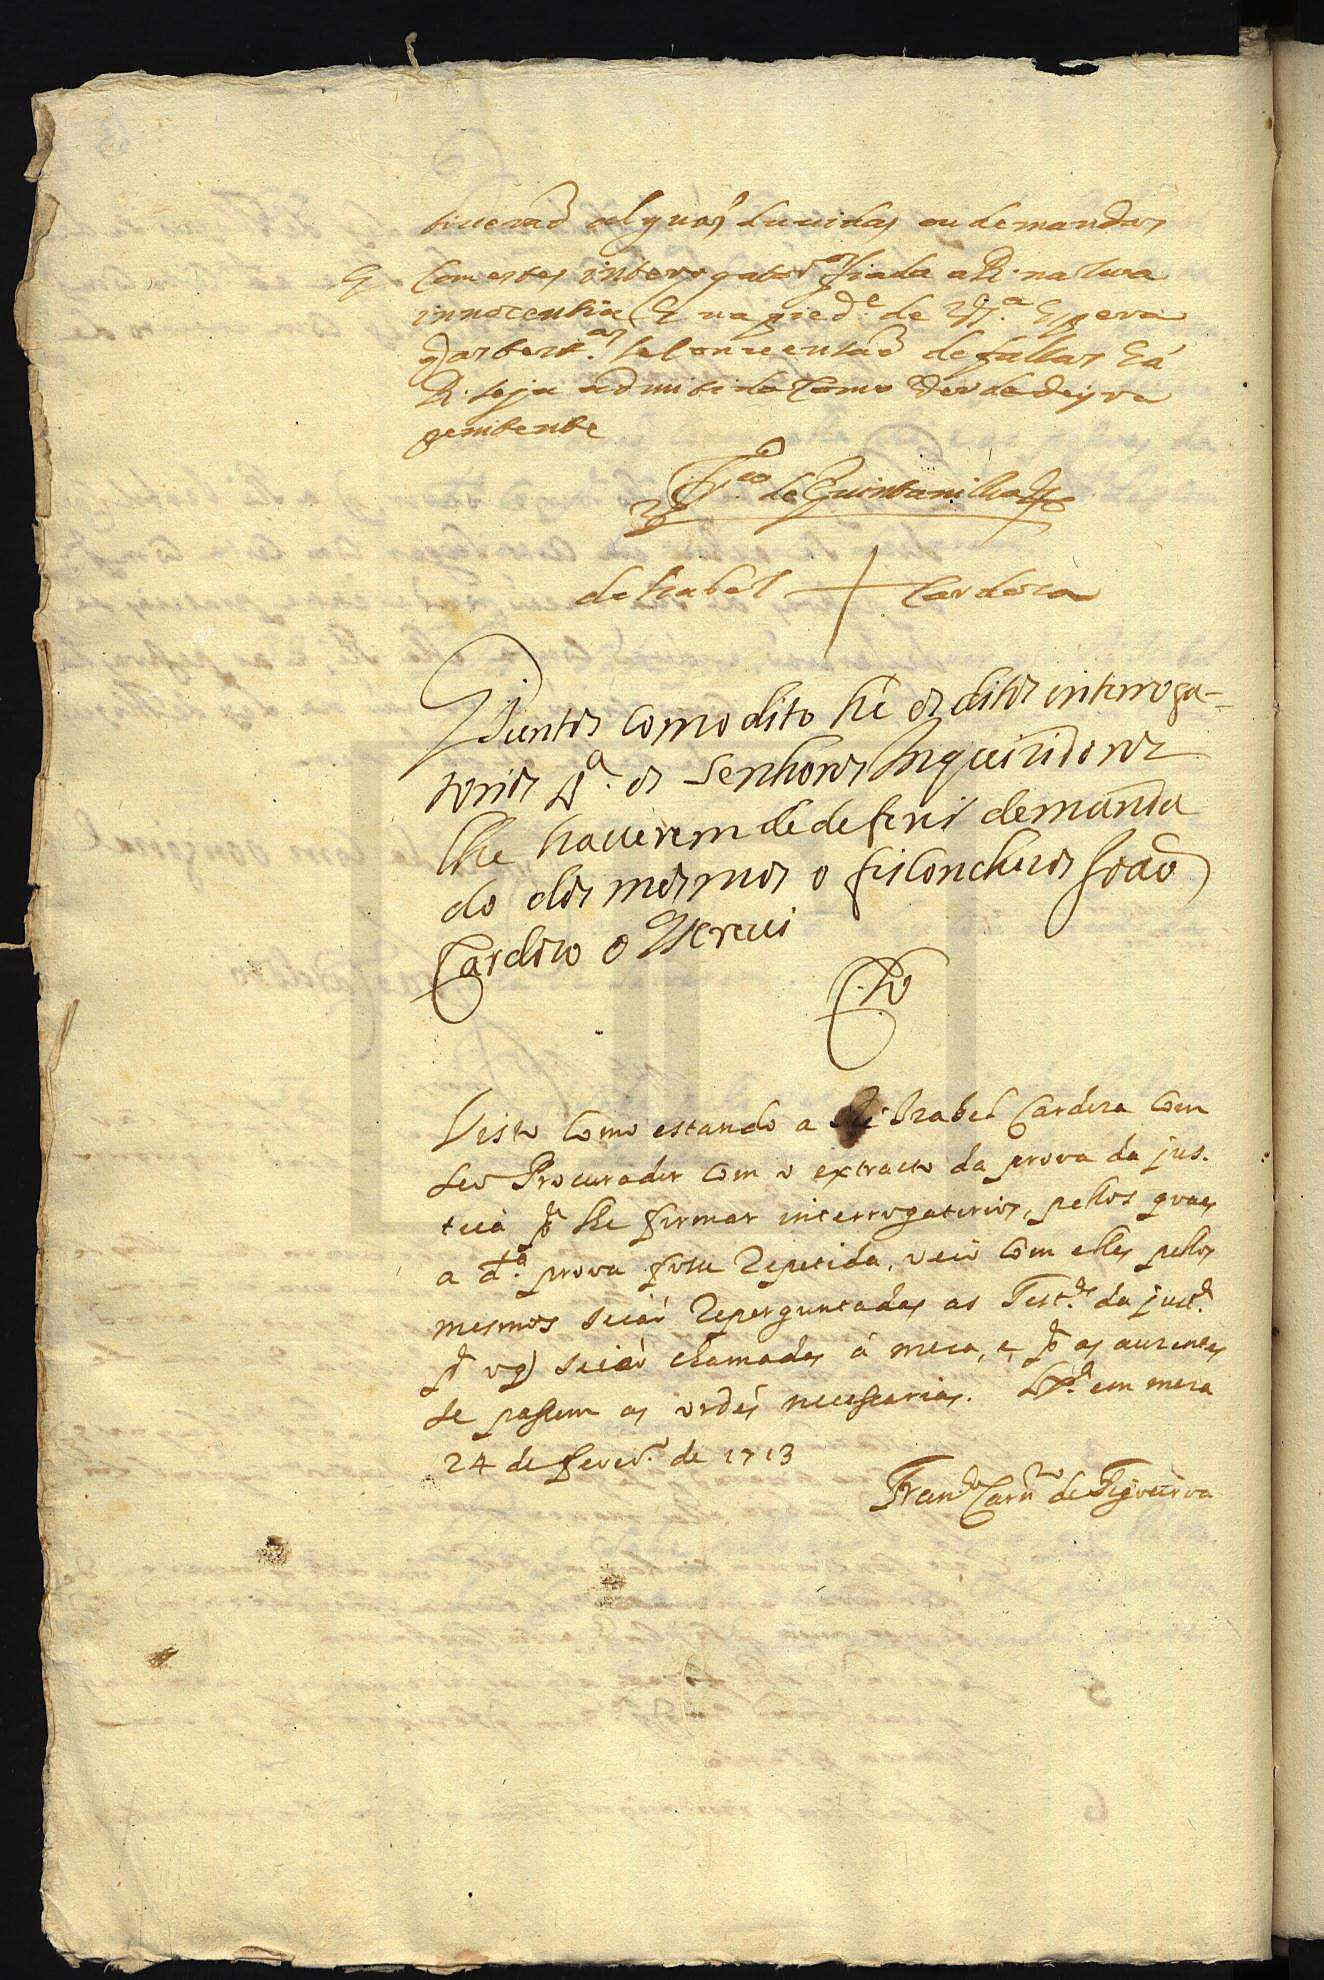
tiuerão alguas̄ duuidas, ou demandas
E Com estes interogator.os fiada a R. na sua
innocencia E na pied.e de VS.a Espera
q̄ as test.as se conuensaõ de fallar E á
R. seja admitida Como verdadeyra
penitente
Fr.co de Quintanilha
de Izabel + Cardoza
E Juntos como dito hé os ditos interroga
torios p.a os Senhores Inquizidorez
lhe hauerem de deferir demanda
do dos mesmos o fis concluzos Joaõ
Cardozo o Escreui
CLo
Visto como estando a Ré Izabel Cardoza com
seo Procurador com o extracto da prova da jus
tiça p.a lhe formar interrogatorios, pellos quaes
a d̄.a prova fosse Repetida, veio com elles pellos
mesmos seiaõ Reperguntadas as Test.as da just.a
pa o q̄ seiaõ chamadas á meza, e pa as auzentes
se passem as ordes̄ necessarias. Lx.a em meza
24 de fever.o de 1713
Fran.co Carn.ro de Figueiroa
